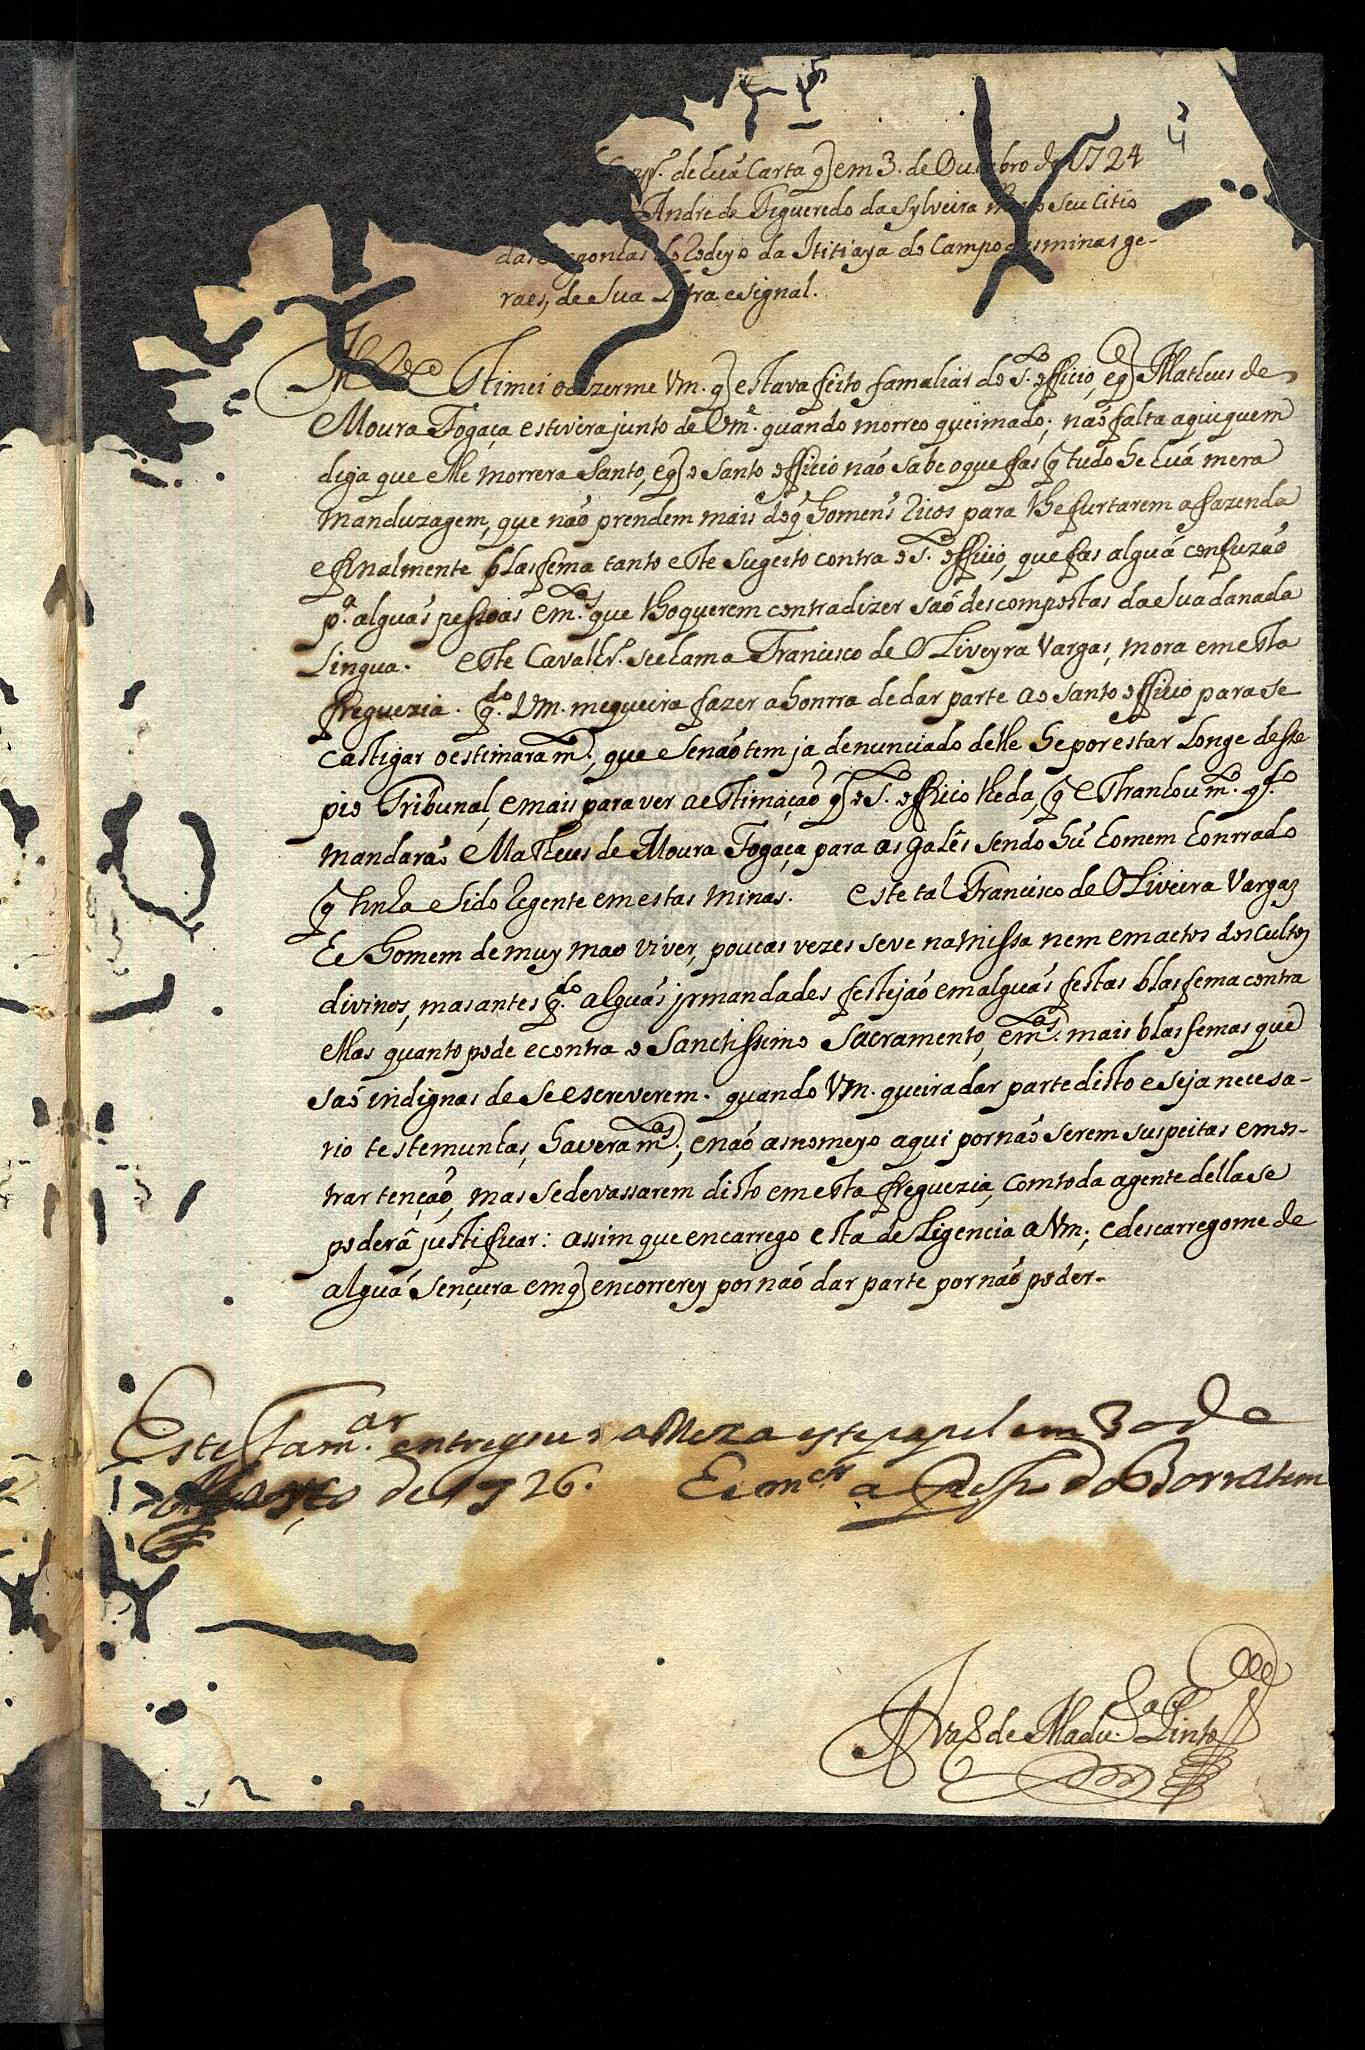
p.o de huā carta q̄ em 3. de Ou_bro de 724
Andre de Figueredo da Sylveira _o seu citio
das C_gonhas do Rodeyo da Ititiaya do Campo _s minas ge
raes, de Sua L_tra e signal.
Mto Estimei o dizerme Vm. q̄ estava feito famaliar do s.to officio, e q̄ Matheus de
Moura Fogaça estivera junto de Vm.e quando morreo queimado; não falta aqui quem
diga que elle morrera Santo, e q̄ o Santo officio naõ sabe o que fas q̄ tudo he huā mera
manduzagem, que naõ prendem mais do q̄ homens Ricos para lhe furtarem a fazenda
e finalmente blasfema tanto este sugeito contra o s.to officio, que fas alguā confuzaõ
p.a alguas̄ pessoas e m.tas que lho querem contradizer saõ descompostas da Sua danada
Lingua. este Cavalhr.o se chama Francisco de OLiveyra Vargas, mora em esta
freguezia. q.do Vm. me queira fazer a honrra de dar parte ao santo officio para se
castigar o estimara mto; que se naõ tem ja denunciado delle he por estar Longe desse
pio Tribunal, e mais para ver a estimaçaõ q̄ o s.to officio lhe da, q̄ estranhou m.to q.do
mandaraõ Matheus de Moura Fogaça para as galés sendo hū homem honrrado
q̄ tinha Sido Regente em estas minas. este tal Francisco de OLiveira Vargas
he homem de muy mao viver, poucas vezes se ve na missa nem em actos dos cultos
divinos, mas antes q.do alguās jrmandades festejaõ em alguās festas blasfema contra
ellas quanto pode e contra o Sanctissimo Sacramento, e mtas mais blasfemas que
são indignas de se escreverem. quando Vm. queira dar parte disto e seja necesa
rio testemunhas, havera mtas; e naõ as nomeyo aqui por naõ serem suspeitas e mos
trar tençaõ, mas se devassarem disto em esta freguezia, com toda a gente della se
poderâ justificar: assim que encarrego esta deLigencia a Vm; e descarregome de
alguā sençura em q̄ encorrerey por naõ dar parte por naõ poder.
Este Fam.ar entregou na Meza este papel em 30 de
Março de 1726. he m.or a Posso do Borratem
Joaõ de Madu.ra Pinto
